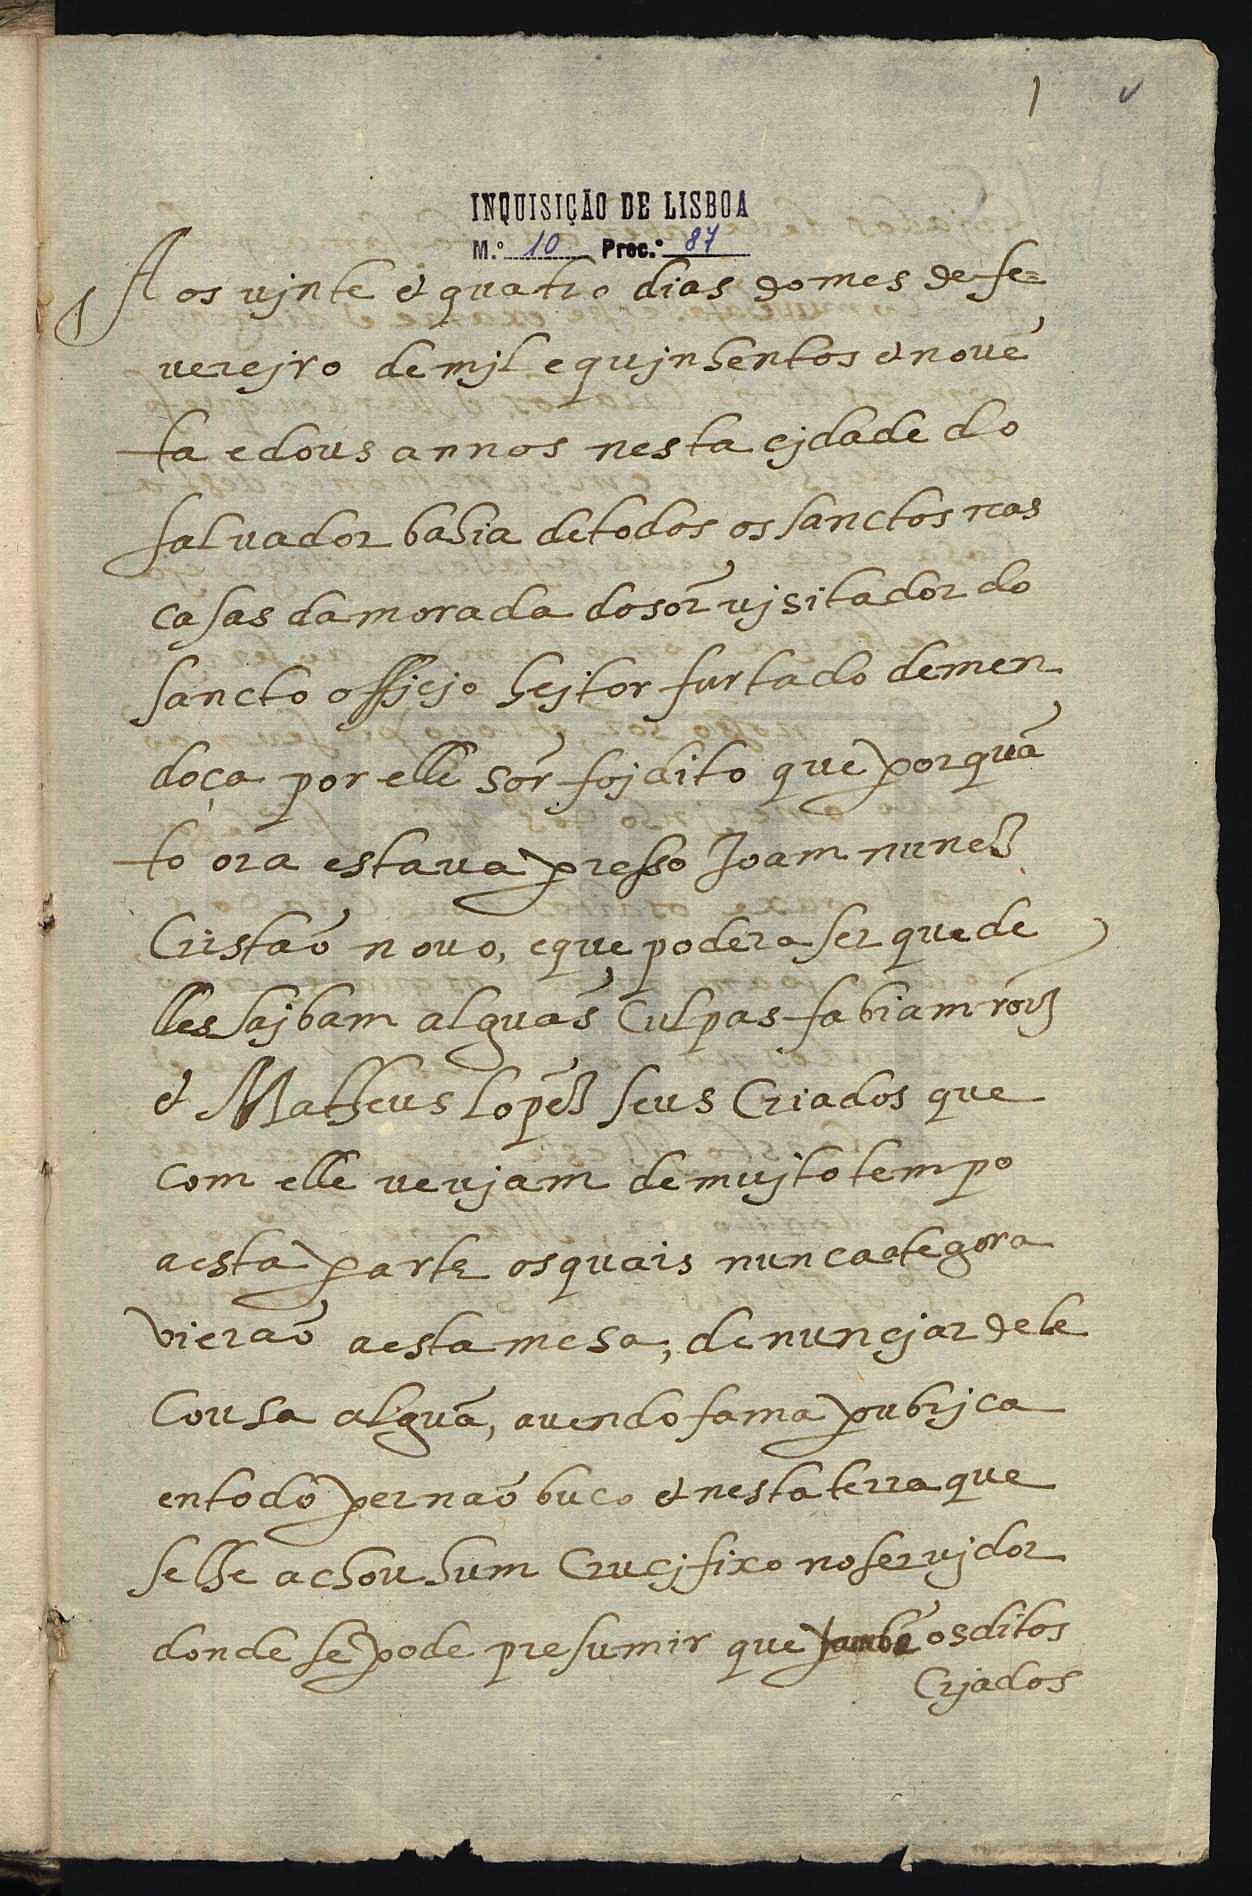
Aos ujnte & quatro dias do mes de fe
uerejro de mjl e quijnhentos & nouē
ta e dous annos nesta cjdade do
Saluador bahia de todos os sanctos nas
casas da morada do sor̄ ujsitador do
Sancto offjcjo hejtor furtado de men
doça por elle sor̄ foj dito que porquā
to ora estaua presso Joam nunez
Cristaõ nouo, e que podera ser que de
lles Sajbam alguas̄ culpas fabiam rōiz
& Matheus Lopēz seus Criados que
com elle ueujam de mujto tempo
a esta parte os quais nunca ate gora
vieraõ aesta mesa, denuncjar dele
Cousa alguā, auendo fama pubrjca
en todo pernaõbuco & nesta terra que
se lhe achou hum crucjfixo no serujdor
donde se pode presumir que tambē os ditos
Crjados
